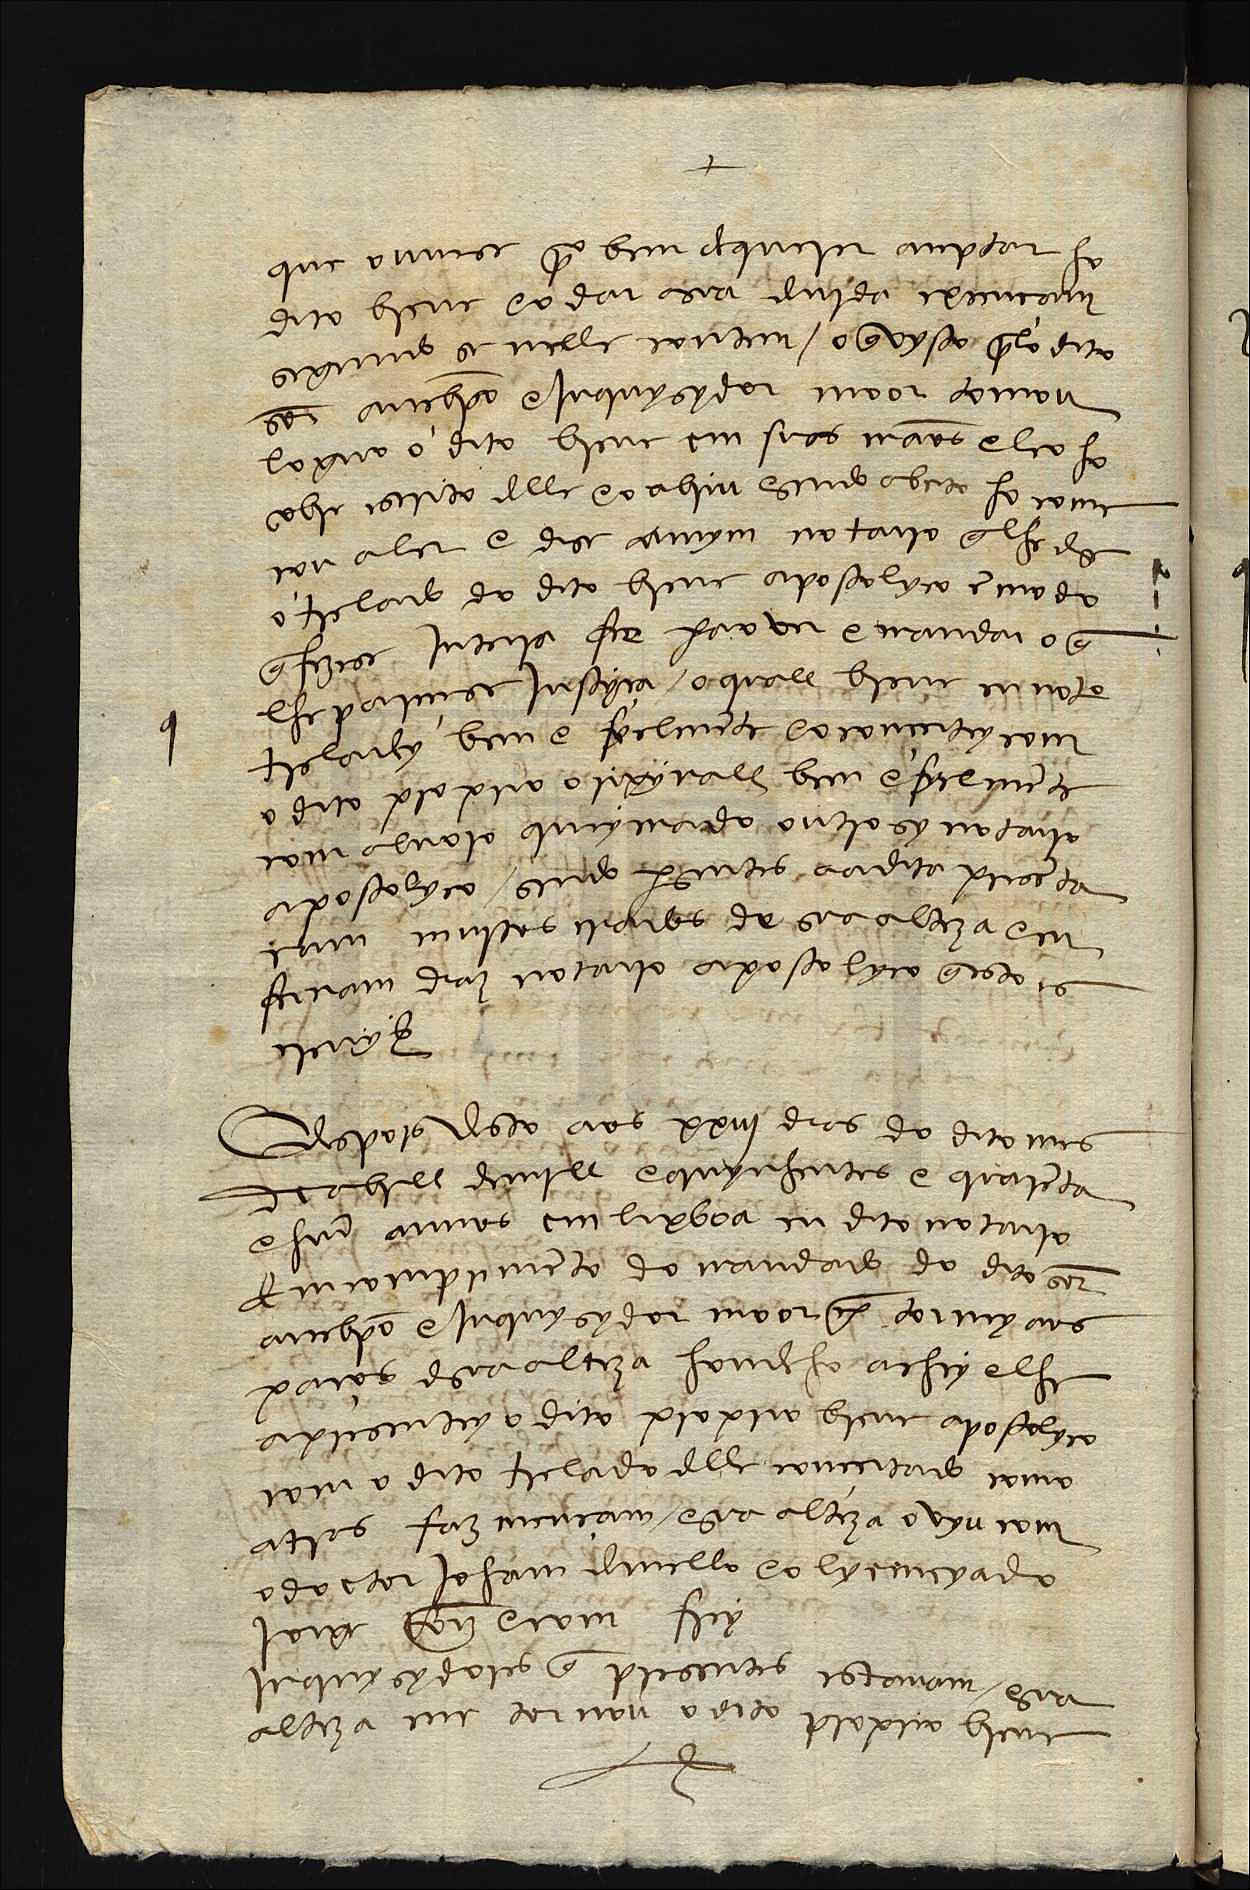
que ouuese p̄o bem de querer aceptar ho
dito breue e o dar a sua deujda execuçam
segundo se nelle contem / o q̄ vysto p̄lo dito
s̄or arçeb̄po e Jnquysydor moor tomou
loguo o dito breue em suas mãos e leo ho
sobre escrito delle e o abriu e sendo aberto ho come
çou a ler e dise a mym notairo q̄ lhe dese
o trelado do dito breue apostolyco ē modo
q̄ fezese Jnteira fee ꝑa o ver e mandar o q̄
lhe pareçese Justiça / o quall breue eu noto
treladey bem e fyelmēte e o conçertey com
o dito proprio origynall bem e fyelmēte
com aluoro queymado outrosy notairo
apostolyco / sendo ꝑsentes aa dita presēta
cam mujtos criados de sua alteza e eu
fernam diaz notairo apostolyco q̄ esto es
creuy
E despojs desto aos xxiij dias do dito mes
de abrill de mjll e quynhentos e quarēta
e huū annos em lixboa eu dito notairo
Em comprimēto do mandado do dito s̄or
arcebpō e Jnquysydor moor c̄ꝭ torney aos
paços de sua alteza honde ho achey e lhe
apresentey o dito proprio breue apostolyco
com o dito trelado delle conçertado como
atras faz mençam / e sua alteza o vyu com
o doctor Joham de mello e o lycencyado
Jorge R̄oiz e com frey
Jnquysydores q̄ presentes estauam / e sua
alteza me tornou o dito proprio breue
